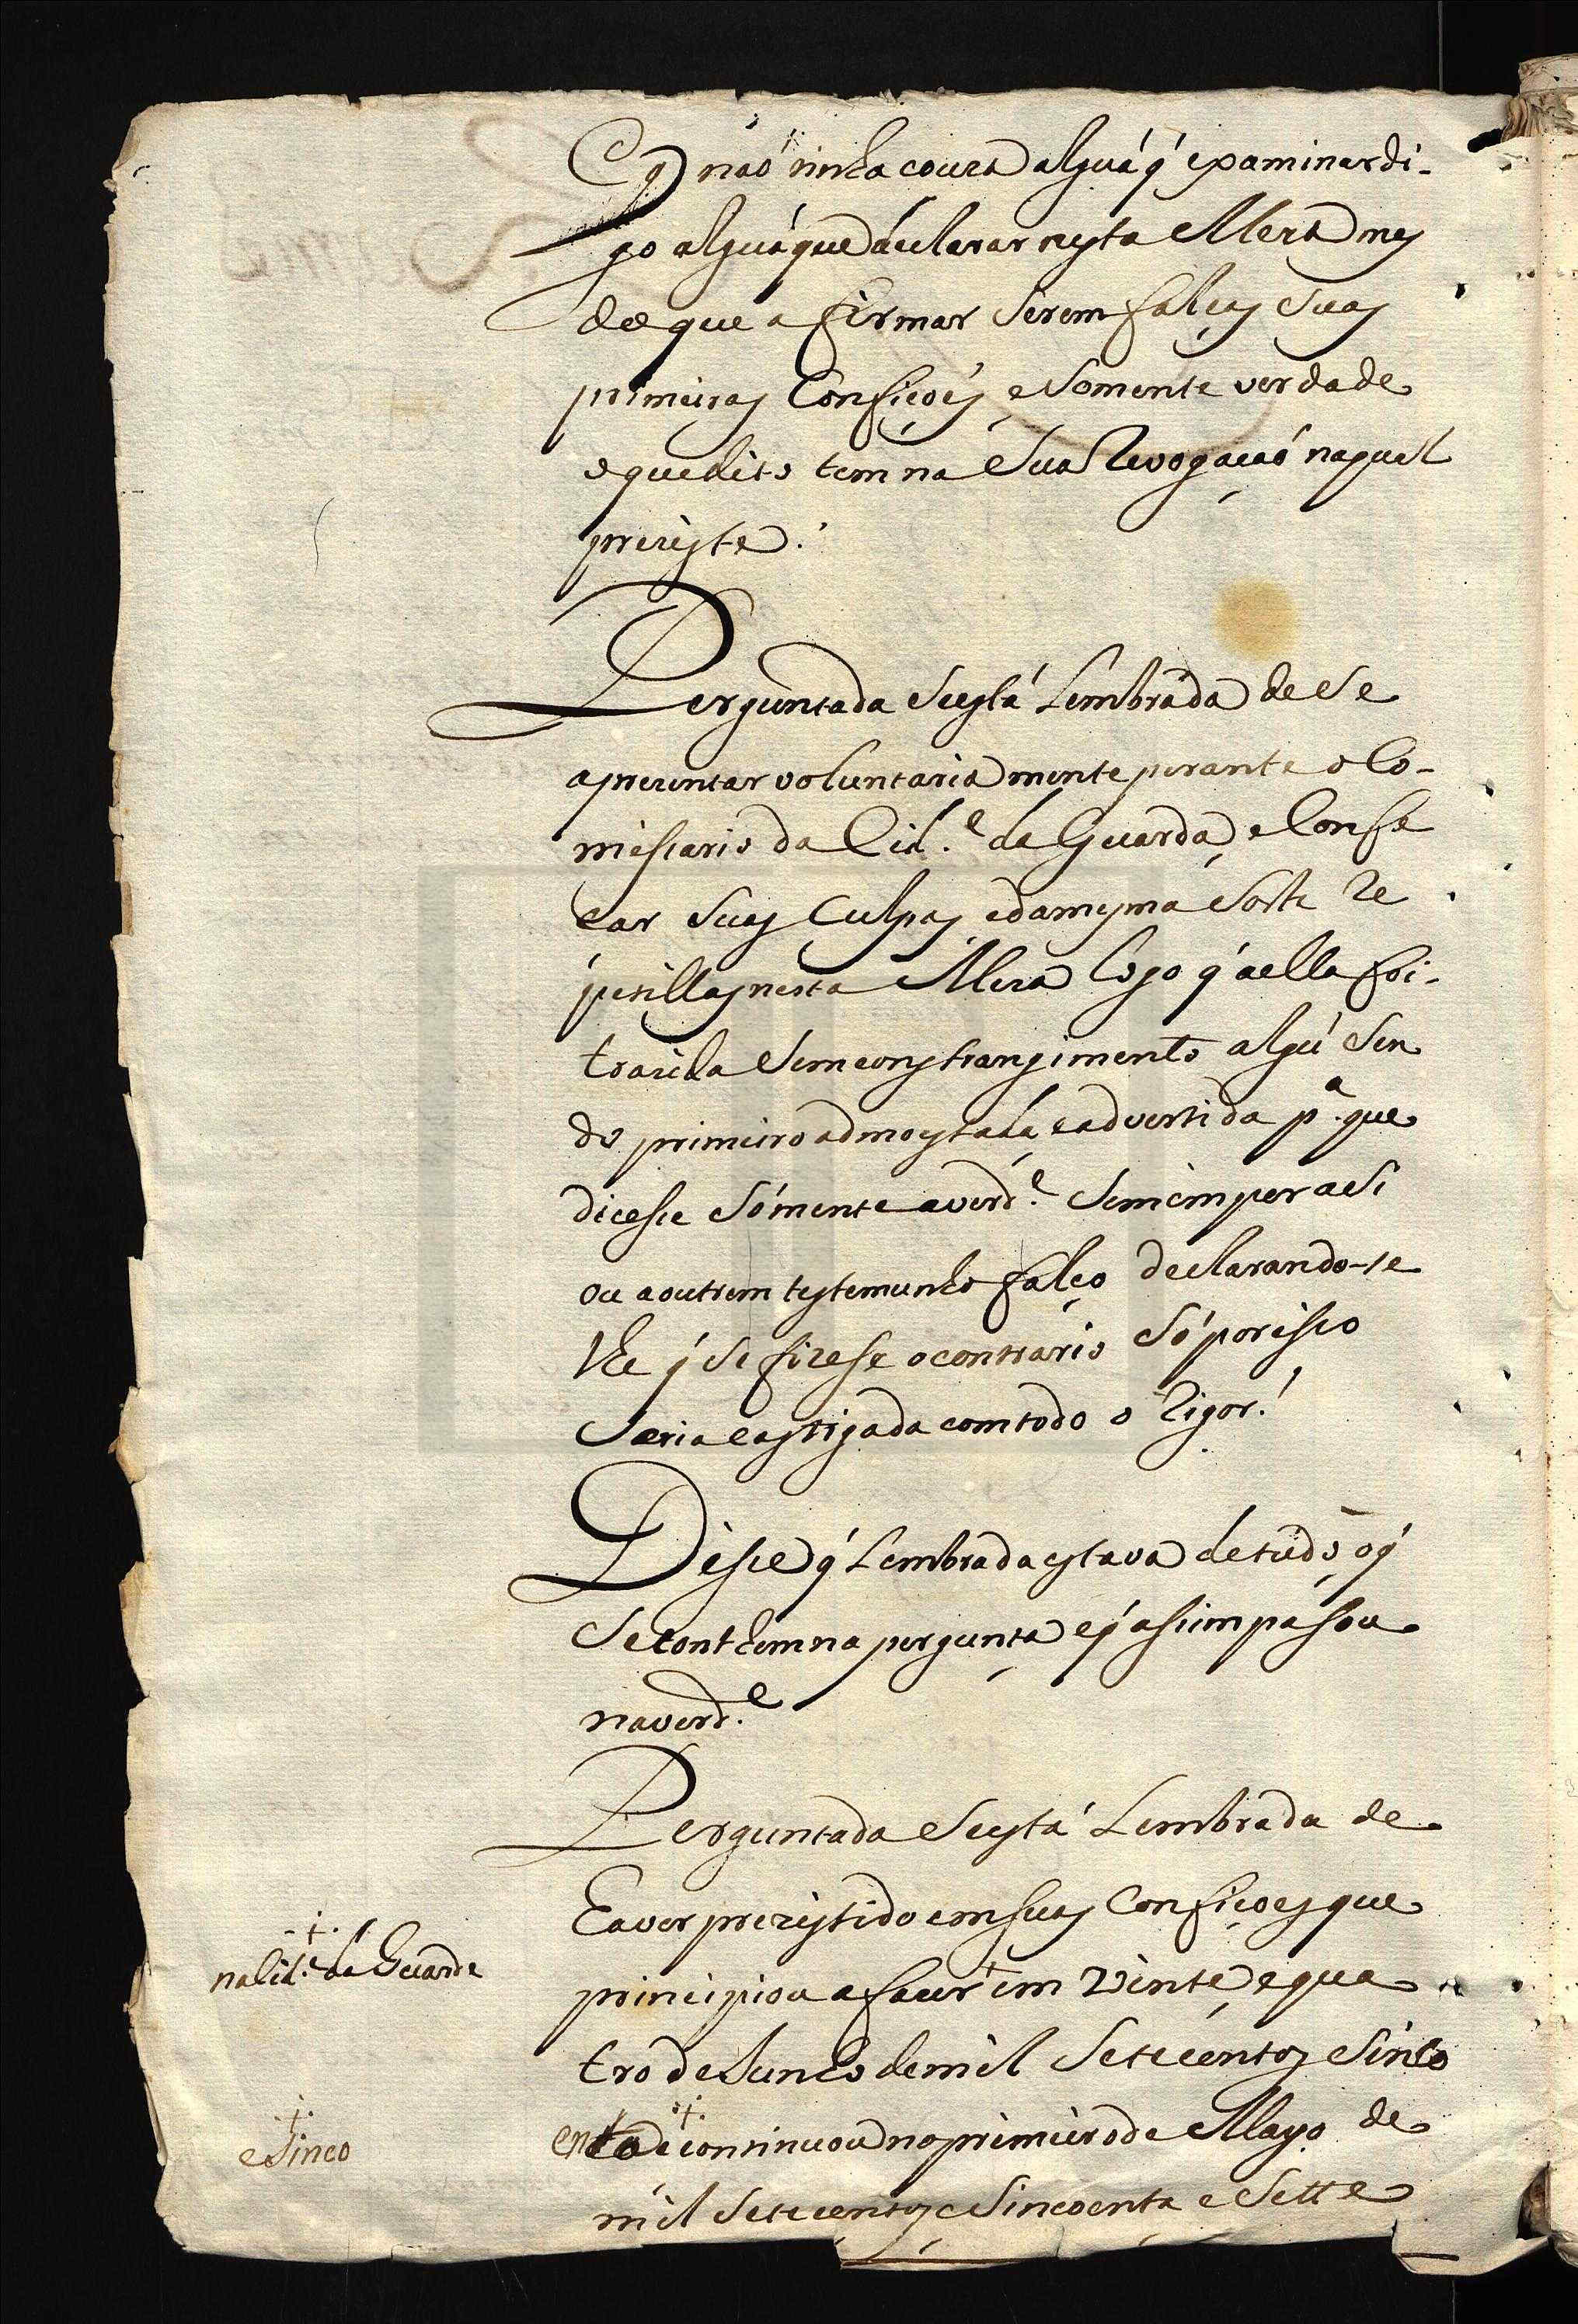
na Cid.e de Guarda
e sinco
e q̄ naõ tinha couza alguā q̄ examinar di
go alguā que declarar nesta Mesa mas
do que afirmar serem falças suas
primeiras Confiçoẽs, e Somente verdade
o que dito tem na Sua Revogaçaõ na qual
preziste.
Perguntada Se está Lembrada de Se
aprezentar voluntariamente perante o Co
missario da Cid.e da Guarda, e Confe
çar Suas culpas, e da mesma Sorte Re
petillas nesta Meza logo q̄ a ella foi
trazida Sem constrangimento algū Sen
do primeiro admoestada e advertida p.a que
dicesse Sómente a verd.e Sem impor a Si
ou a outrem testemunho falço declarando-se
lhe q̄ se fizese o contrario Só por isso
Seria castigada com todo o Rigor?
Disse q̄ Lembrada estava de tudo, o q̄
Se conthem na pergunta, e q̄ assim pasou
na verd.e
Perguntada Se está Lembrada de
haver prezistido em suas Confiçoes que
principiou a fazer em vinte, e qua
tro de Iunho de mil Setecentos Sinco
enta e continuou no primeiro de Mayo de
mil Setecentos e Sincoenta e Sette
